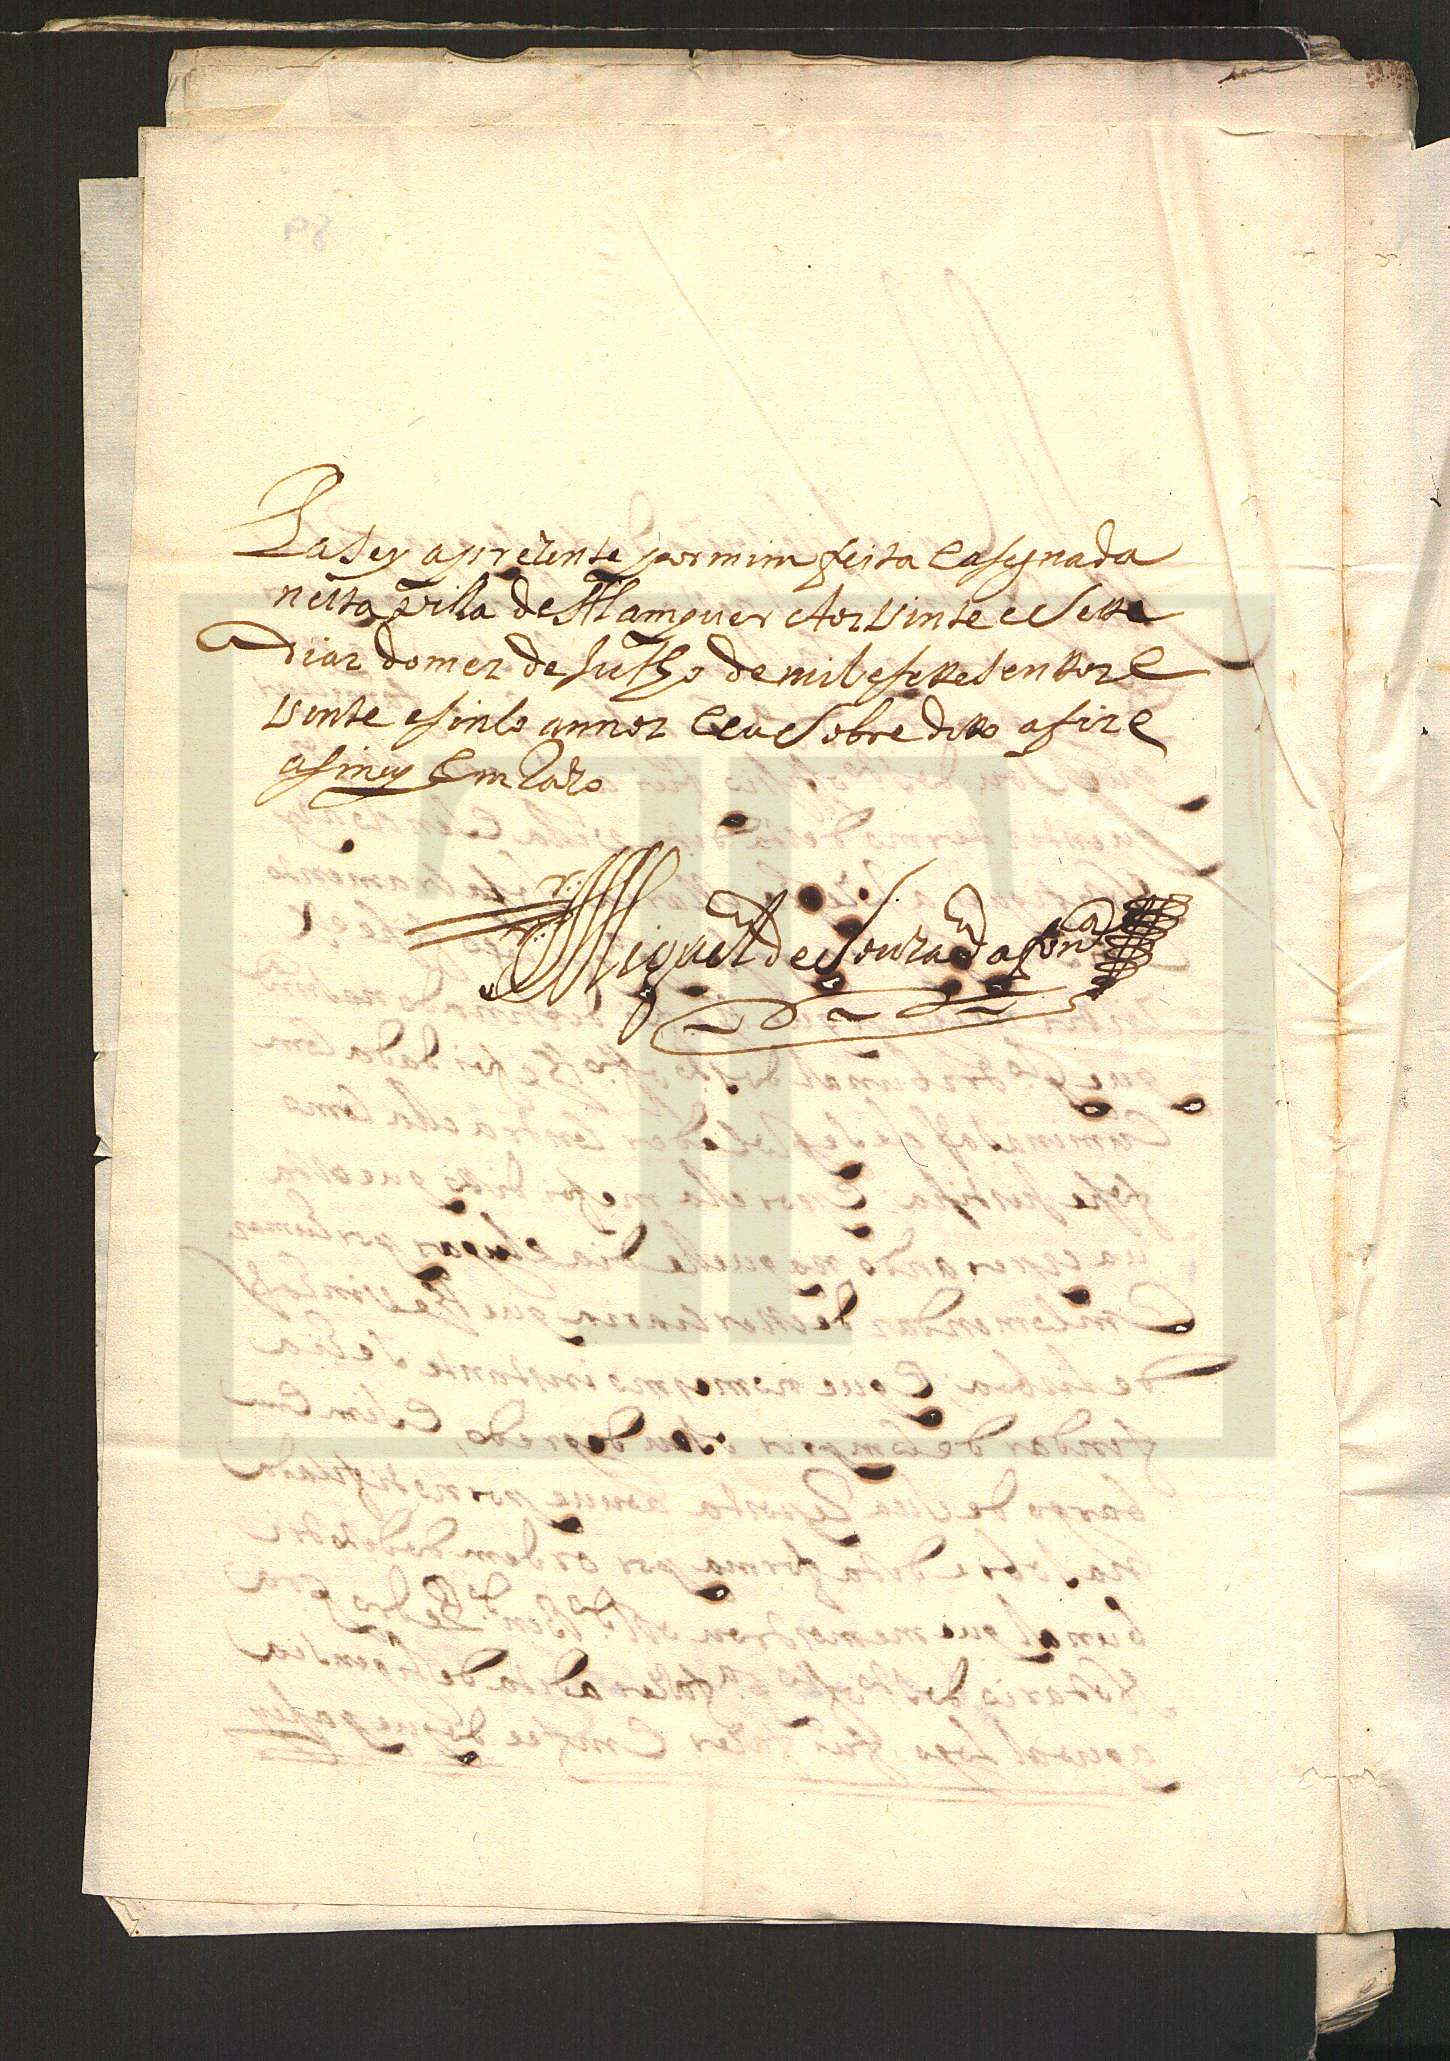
Pasey a prezente por mim feita e asignada
nesta villa de Alamquer Aos vinte e Sette
dias do mez de Julho de mil e settesenttos e
vinte e sinco annoz e eu Sobreditto a fiz e
asiney Em Razo
Miguel de Souza da fonca
